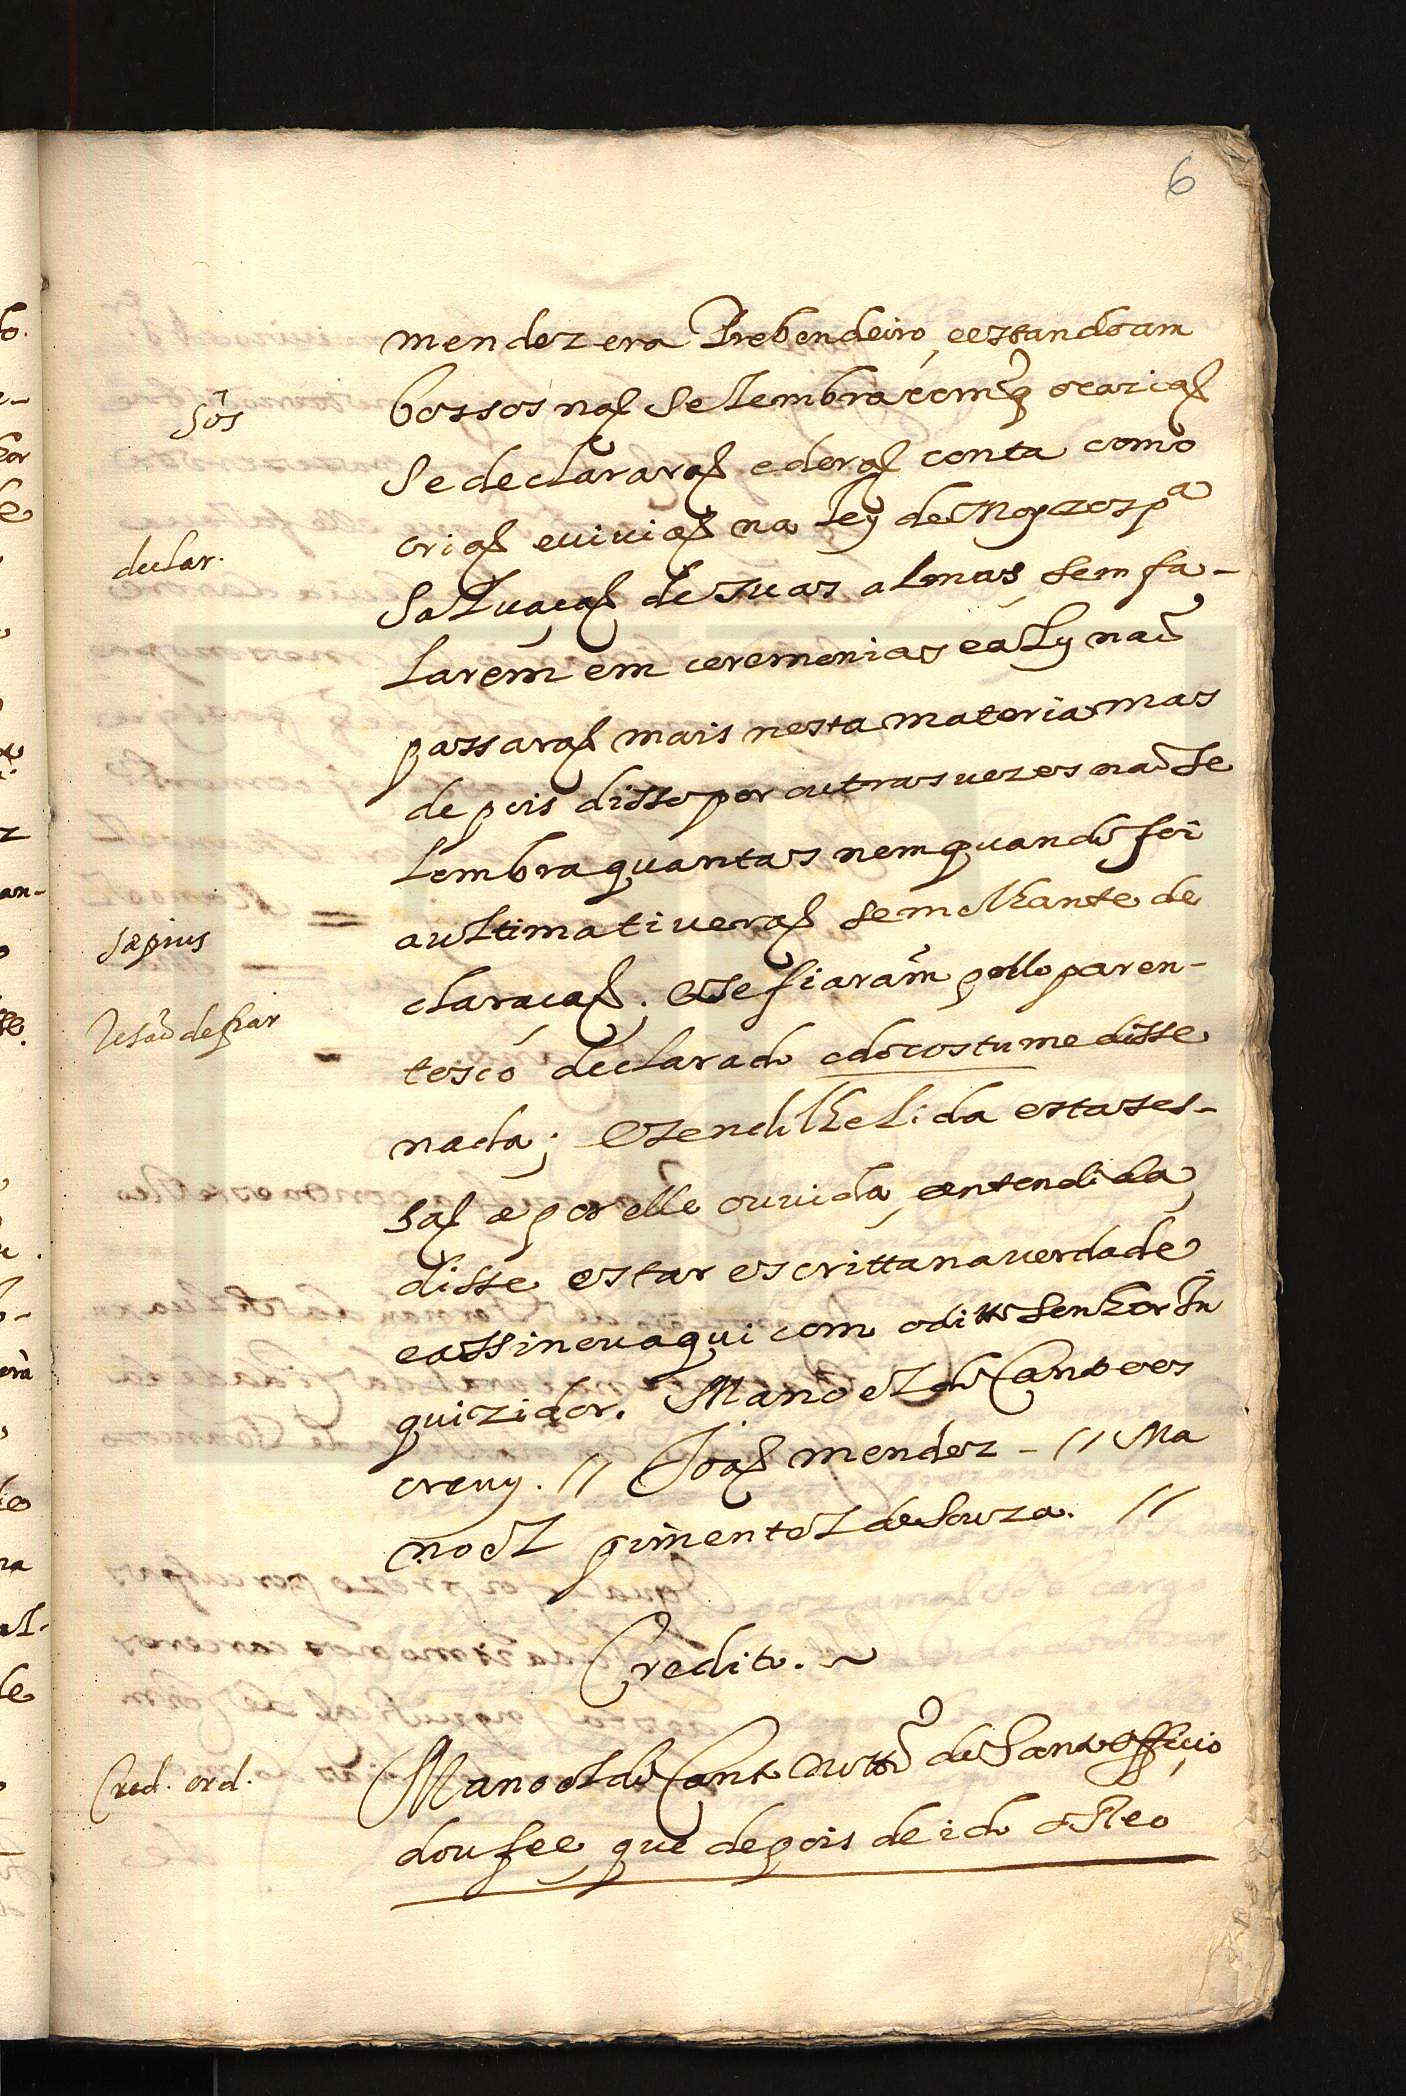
mendez era Prebendeiro, e estando am
bos sos naõ se lembrar em q̄ ocaziaõ
se declararaõ e deraõ conta como
criaõ e uiuiaõ na Ley de moyzes pa
Saluaçaõ de suas aLmas, sem fa
Larem em ceremonias e aLy naõ
passaraõ mais nesta materia mas
depois disse por outras uezes naõ se
Lembra quantas nem quando foi
a uLtima tiueraõ semelhante de
cLaraçaõ; e se fiaram pello paren
tesco decLarado e do costume disse
nada; e sendolhe Lida esta ses
são e por elle ouuida, e entendida,
disse estar escritta na uerdade
e assinou aqui com o ditto senhor In
quizidor. Manoel do Canto o es
creuy. // João mendez - // Ma
noeL pimenteL de Souza.
Credito.
ManoeL do Canto notto do Santo offiçio
dou fee, que depois de ido o Reo
